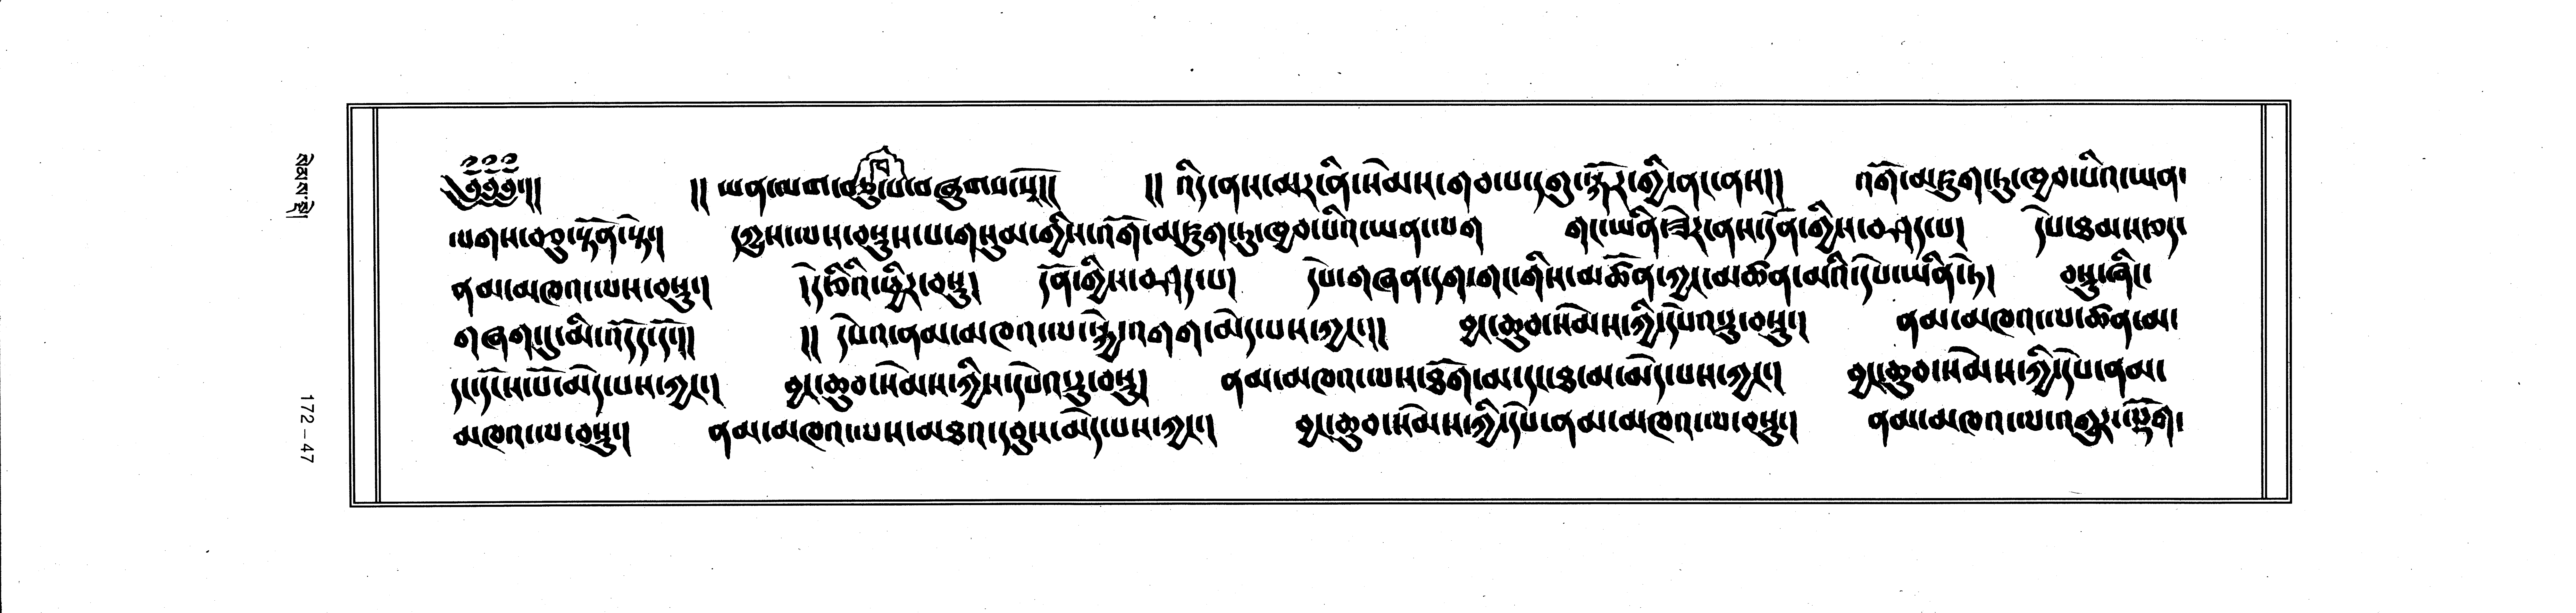༼ཁ༽ ཡན་ལག་བཅུ་པ་བཞུགས་སོ།།༄༅༅།། །།འདི་ནས་མར་ནི་༼བྱང་༽སེམས་གབ་པ་དགུ་སྐོར་གྱི་ནང་ནས། འགོ་མཇུག་ཏུ་ཁྱབ་པའི་ཡན་
ལག་བཅུ་སྟོན་ཏེ། དཀྱུས་ལས་བསྡུས་པ་གསུམ་གྱིས་འགོ་མཇུག་ཏུ་ཁྱབ་པའི་ཡན་ལག གང་ཡིན་ཟེར་ནས་དོན་གྱིས་བཤད་པ། དཔེ་ཐམས་ཅད་
ནམ་མཁའ་ལས་བསྡུ། དེ་ཅིའི་ཕྱིར་བསྡུ། དོན་གྱིས་བཤད་པ། དཔེ་གཞན་དག་གང་གིས་མཚོན་ཀྱང་མཚན་མའི་དཔེ་ཡིན་ཏེ། བསྡུ་ཞིང་
གཞག་ཏུ་མི་འདོད་དོ། དཔེའ་ནམ་མཁའ་ལ་སྐྱེ་འགག་མེད་པས་ཀྱང་། བྱང་ཆུབ་སེམས་ཀྱི་དཔེའ་རུ་བསྡུ། ནམ་མཁའ་ལ་ཚན་མ་
དང་དངོས་པོ་མེད་པས་ཀྱང་། བྱང་ཆུབ་སེམས་ཀྱི་དཔེའ་རུ་བསྡུ། ནམ་མཁའ་ལས་ཐོག་མ་དང་ཐ་མ་མེད་པས་ཀྱང་། བྱང་ཆུབ་སེམས་ཀྱི་དཔེ་ནམ་
མཁའ་ལ་བསྡུ། ནམ་མཁའ་ལས་མཐའ་དབུས་མེད་པས་ཀྱང་། བྱང་ཆུབ་སེམས་ཀྱི་དཔེ་ནམ་མཁའ་ལ་བསྡུ། ནམ་མཁའ་ལ་འགྱུར་ལྡོག་